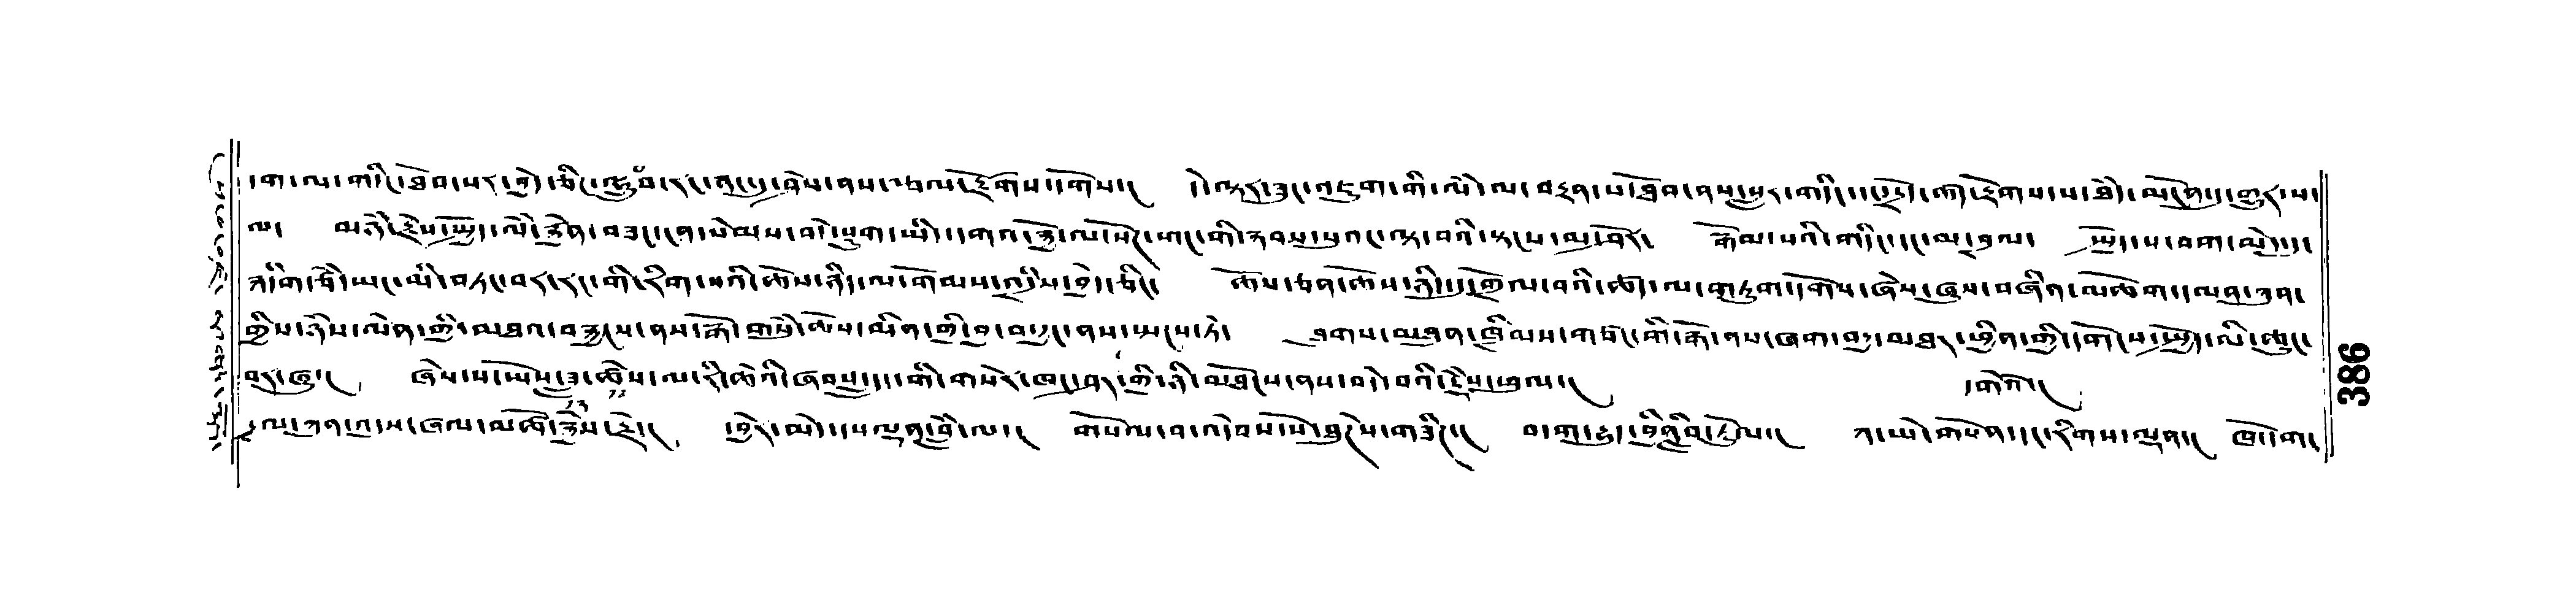དག་ལ་གདིང་ཐོབ་པར་བྱེད་ཅིང་ལྷུན་གྲུབ་རང་སྣང་དུ་ཤེས་ནས་རྩལ་རྫོགས་དགོས། དེ་ལྟར་ཟུང་འཇུག་གིས་ལམ་ལ་བརྟན་པ་ཐོབ་ནས་སླར་གདིང་དང་དྲོད་ཚད་རྟོགས་པ་ཐམས་ཅད་མངོན་དུ་གྱུར་པ་
ལ། མཉམ་རྗེས་སྤྱོད་ལམ་རྐྱེན་བཟང་ངན་སེམས་བདེ་སྡུག་ཡིད་དགའ་སྐྱོ་ལ་སོགས་གང་གི་སྐབས་སུའང་ལྟ་བའི་སྟངས་མ་ཤོར། སྒོམ་པའི་གདིང་དང་མ་བྲལ། སྤྱོད་པ་བག་མེད་དུ་
སྐད་ཅིག་ཙམ་ཡང་མི་བཏང་བར་རང་གི་རིག་པའི་ཆོས་ཉིད་ལ་གོམས་འདྲིས་བྱེད་ཅིང་། ཆོས་ཅན་ཆོས་ཉིད་དུ་གྲོལ་བའི་ཚད་ལ་གཏུག་དགོས་ཞེས་ཞུས་བཞིན་མཆོག་དམན་ཀུན་
གྱིས་ཉམས་ལེན་གྱི་མཐའ་བསྐྱངས་ནས་སྒོ་གསུམ་ཆོས་མིན་གྱིས་བྱ་བ་རྒྱང་ནས་སྤངས་ཏེ། ཐུགས་མཐུན་ཁྲིམས་གཙང་གི་སྒོ་ནས་ཞག་བརྒྱ་མཐར་ཕྱིན་གྱི་དགོངས་སྤྱོད་མི་ཆུང་
བར་ཞུ། ཞེས་པ་ཡོས་ཟླ་༡༢ཚེས་༡༧ལ་རི་ཆེའི་ཞབས་དྲུང་གི་གསེར་ཁང་ཤར་གྱི་ཉི་མཐོངས་ནས་བདེ་བའི་རྡོ་རྗེས་ཕུལ། དགེའོ།། 
རྒྱལ་ཀུན་འདུས་ཞལ་མཚོ་སྐྱེས་རྗེ། །དབྱེར་མེད་དཔལ་ལྡན་བླ་མ་ལ། །གསོལ་བ་འདེབས་སོ་ཐུགས་རྗེས་གཟིགས། །བདག་རྒྱུད་བྱིན་གྱིས་བརླབ་ཏུ་གསོལ། །ཀ་ཡེ་གསོན་དང་རིགས་ལྡན། ཁ་དོག་